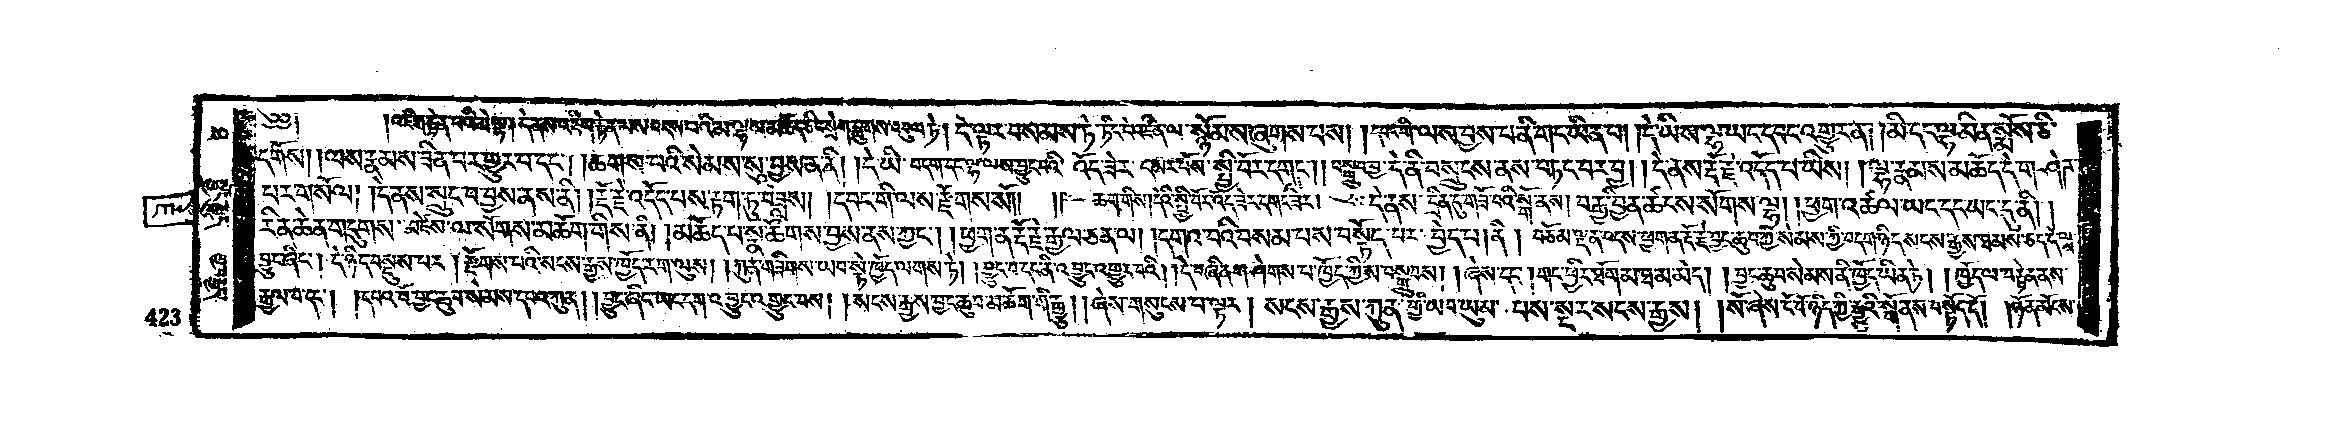༄༅། །འཇིག་རྟེན་པའི་མེ་ལྷ། དེ་ནས་འཇིག་རྟེན་ལས་འདས་པའི་མ་ལྷ་ལ་མཆོད་ཅིང་སྲེག་བླུགས་འབུལ་ཏེ། དེ་ལྟར་བསམས་ཏེ་ཏིང་ངེ་འཛིན་ལ་སྙོམས་ཞུགས་པས། །དབང་གི་ལས་བྱས་པ་ནི་གང་ཡིན་པ། །དེ་ཡིས་ལྷ་ཡང་དབང་འགྱུར་ན། །མི་དང་ལྷ་མིན་སྨོས་ཅི་
དགོས། །ལས་རྣམས་ཟིན་པར་གྱུར་པ་དང་། །ཆགས་པའི་སེམས་སུ་བྱས་ན་ནི། །དེ་ཡི་བདག་དང་ལྷ་ལས་བྱུང་བའི་འོད་ཟེར་དམར་པོས་སྤྱི་བོར་དགང་། །བསྒྲུབ་བྱ་དེ་ནི་བསྲུངས་ནས་བཏང་བར་བྱ། །དེ་ནས་རྡོ་རྗེ་འདོད་པ་ཡིས། །ལྷ་རྣམས་མཆོད་དེ་གཤེགས་
པར་གསོལ། །དེ་ནས་སྲུང་བ་བྱས་ནས་ནི། །རྡོ་རྗེ་འདོད་པས་རྟག་ཏུ་བཟླས། །དབང་གི་ལས་རྫོགས་སོ།། །།H.ཆག་གིས། དེའི་སྤྱི་བོར་འོད་ཟེར་དགང་ཟེར།  .Hདེ་ནས་དྲིན་དུ་གཟོ་བའི་སྒོ་ནས།  བརྒྱ་བྱིན་ཚངས་སོགས་ལྷ། །ཕྱག་འཚལ་ཡང་དང་ཡང་དུ་ནི། །
རིན་ཆེན་གདུགས་མཛེས་ལ་སོགས་མཆོག་གིས་ནི། །མཆོད་པ་སྣ་ཚོགས་བྱས་ནས་ཀྱང་། །ཕྱག་ན་རྡོ་རྗེ་རྒྱལ་ཅན་ལ། །དགའ་བའི་བསམ་པས་བསྟོད་པར་བྱེད་པ། ནི། བཅོམ་ལྡན་འདས་ཕྱག་ན་རྡོ་རྗེ་བྱང་ཆུབ་ཀྱི་སེམས་ཀྱི་བདག་ཉིད་སངས་རྒྱས་ཐམས་ཅད་དེ་ལས་
བྱུང་ཞིང་། དེ་ཉིད་བསྡུས་པར། རྫོགས་པའི་སངས་རྒྱས་ཁྱོད་རག་ལུས། །ཀུན་གཟིགས་ཡབ་སྟེ་ཁྱོད་ལགས་ཏེ། །བྱུང་བ་དང་ནི་འབྱུང་འགྱུར་བའི། །དེ་བཞིན་གཤེགས་པ་ཁྱོད་ཀྱིས་བསྒྲུབས། །ཞེས་དང་། གང་ཕྱིར་ཐོག་མ་ཐ་མ་མེད། །བྱང་ཆུབ་སེམས་ནི་ཁྱོད་ཡིན་ཏེ། །ཁྱོད་ལ་བརྟེན་ནས་
རྒྱལ་བ་དང་། །དཔའ་བོ་བྱང་ཆུབ་སེམས་དཔའ་ཀུན། །བྱུང་ཞིང་ཡང་དག་འབྱུང་འགྱུར་བས། །སངས་རྒྱས་བྱང་ཆུབ་མཆོག་གི་རྒྱུ། །ཞེས་གསུངས་པ་ལྟར། སངས་རྒྱས་ཀུན་གྱི་ཡབ་ཡུམ་པས་སྔར་སངས་རྒྱས། །སོ་ཞས་ངོ་བོ་ཉིད་ཀྱི་རྒྱུའི་སྒོ་ནས་བསྟོད་དོ། །ཉོན་མོངས་